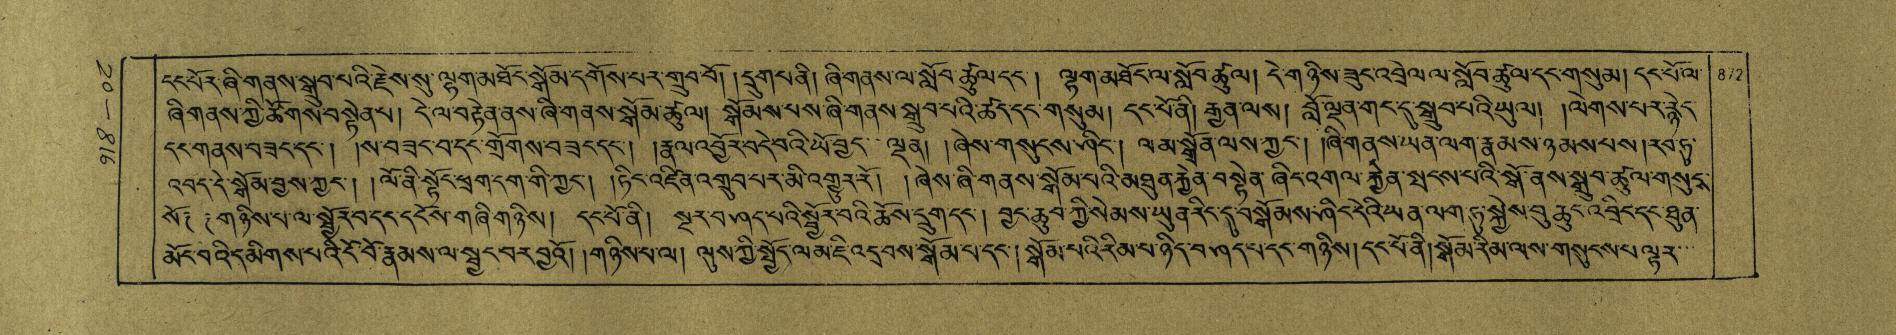དང་པོར་ཞི་གནས་སྒྲུབ་པའི་རྗེས་སུ་ལྷག་མཐོང་སྒོམ་དགོས་པར་གྲུབ་བོ། །དྲུག་པ་ནི། ཞི་གནས་ལ་སློབ་ཚུལ་དང་། ལྷག་མཐོང་ལ་སློབ་ཚུལ། དེ་གཉིས་ཟུང་འབྲེལ་ལ་སློབ་ཚུལ་དང་གསུམ། དང་པོ་ལ་
ཞི་གནས་ཀྱི་ཚོགས་བསྟེན་པ། དེ་ལ་བརྟེན་ནས་ཞི་གནས་སྒོམ་ཚུལ། སྒོམས་པས་ཞི་གནས་སྒྲུབ་པའི་ཚད་དང་གསུམ། དང་པོ་ནི། རྒྱན་ལས། བློ་ལྡན་གང་དུ་སྒྲུབ་པའི་ཡུལ། །ལེགས་པར་རྙེད་
དང་གནས་བཟང་དང་། །ས་བཟང་བ་དང་གྲོགས་བཟང་དང་། །རྣལ་འབྱོར་བདེ་བའི་གཡོ་བྱད་ལྡན། །ཞེས་གསུངས་ཤིང་། ལམ་སྒྲོན་ལས་ཀྱང་། །ཞི་གནས་ཡན་ལག་རྣམས་ཉམས་པས། རབ་ཏུ་
འབད་དེ་སྒོམ་བྱས་ཀྱང་། །ལོ་ནི་སྟོང་ཕྲག་དག་གི་ཀྱང་། །ཏིང་འཛིན་འགྲུབ་པར་མི་འགྱུར་རོ། །ཞེས་ཞི་གནས་སྒོམ་པའི་མཐུན་རྐྱེན་བསྟེན་ཞིང་འགལ་རྐྱེན་སྤངས་པའི་སྒོ་ནས་སྒྲུབ་ཚུལ་གསུངས་
སོ༑ ༑གཉིས་པ་ལ་སྦྱོར་བ་དང་དངོས་གཞི་གཉིས། དང་པོ་ནི། སྔར་བཤད་པའི་སྦྱོར་བའི་ཆོས་དྲུག་དང་། བྱང་ཆུབ་ཀྱི་སེམས་ཡུན་རིང་དུ་བསྒོམས་ཤིང་དེའི་ཡན་ལག་ཏུ་སྐྱེས་བུ་ཆུང་འབྲིང་དང་ཐུན་
མོང་བའི་དམིགས་པའི་ངོ་བོ་རྣམས་ལ་སྦྱང་བར་བྱའོ། །གཉིས་པ་ལ། ལུས་ཀྱི་སྤྱོད་ལམ་ཇི་འདྲ་བས་སྒོམ་པ་དང་། སྒོམ་པའི་རིམ་པ་ཉིད་བཤད་པ་དང་གཉིས། དང་པོ་ནི། སྒོམ་རིམ་ལས་གསུངས་པ་ལྟར་